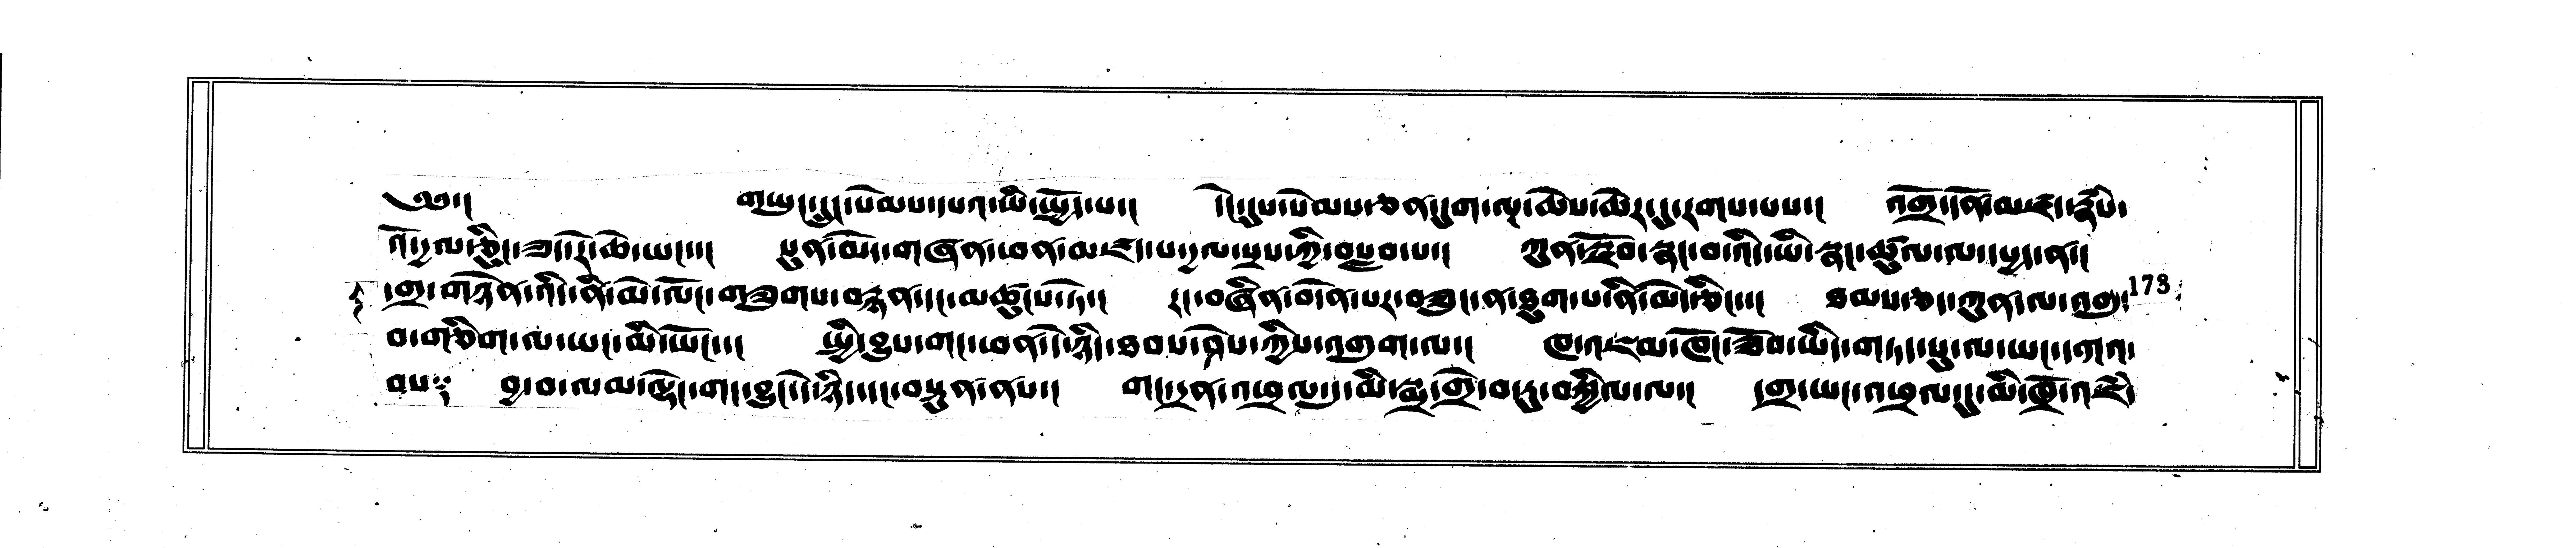གཡུང་དྲུང་སེམས་དཔའ་ཡི་སྤྱོད་པ། །དེ་དུས་སེམས་ཅན་དུག་ལྔ་ཆེས་ཆེར་དུ་རགས་པས། །འགྲོ་དོན་མཛད་རྣམས་
འོ་བརྒྱལ་ཅུང་ཟད་རེ་ཆེ་ཡང་། །སུན་མེད་གཞན་ཕན་མཛད་པ་རྒྱལ་སྲས་ཀྱི་བསླབ་པ། །ཀུན་རྫོབ་སྣང་བ་འདི་ཡི་སྣང་ཚུལ་ལ་དཔྱད་ན། །
དགྲ་གཉེན་འདི་ནི་མེ་ལོང་གཟུགས་བརྙན་དང་མཚུངས་ཏེ། །རང་བཞིན་བདེན་པར་བཟུང་ན་ཐུག་པ་ནི་མེད་ཅིང་། །ཐམས་ཅད་ཀུན་ལ་མགུ་
བ་གཅིག་ལའང་མི་ཡོང་། །སྤྱི་བྱུས་གང་ཕན་དེ་ཉིད་ཐབས་ཤེས་ཀྱིས་འགུག་ལ། །ཁ་འཇམ་ཁོང་ཟོབ་ཡིད་གཏད་སུ་ལ་ཡང་དཀའ་བས། །
བྱ་བ་ལམ་ལྷོངས་གང་བྱུང་དེ་ཉིད་དང་བསྟུན་ནས། །གང་དྲན་འཕྲལ་དུ་མི་སྨྲ་གྲེ་བ་རུ་བསྐྱིལ་ལ། །དགྲ་ཡང་འཕྲལ་དུ་མི་འཁྲོ་འཇམ་